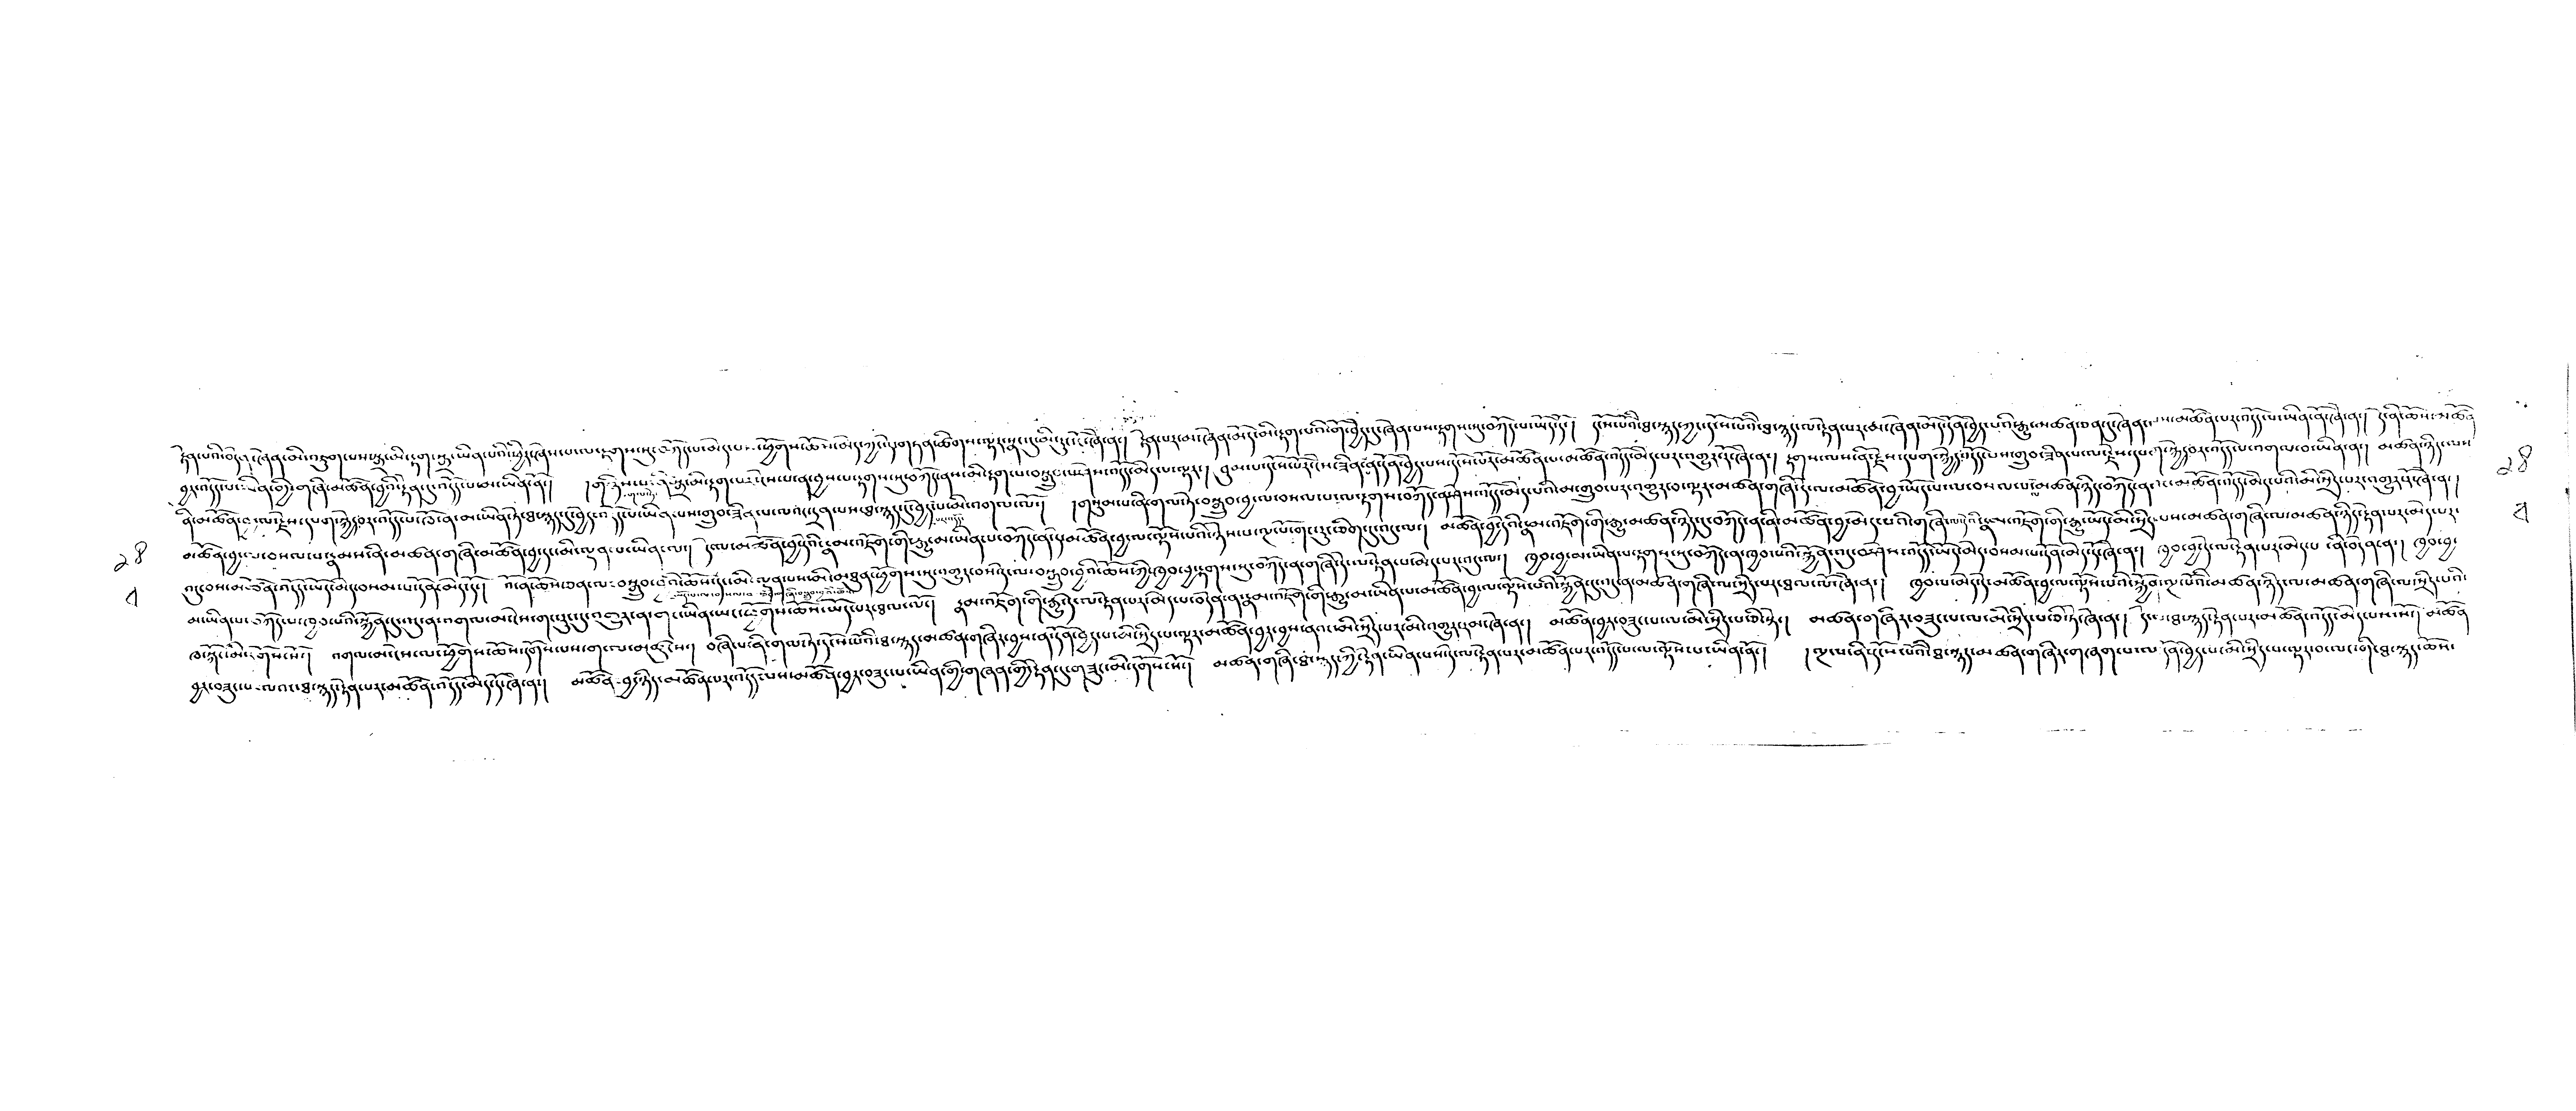ཨི་རྟེན་པའི་བདེན་ཞེན་མི་འཇུག་པས་སྒྲ་མི་རྟག་སྒྲ་ཡིན་པའི་ཕྱིར་ཞེས་པ་ལ་རྟགས་སུ་བཀོད་པ་མེད་པས་ཕྱོགས་ཆོས་མེད་ཀྱང་དེ་གཏན་ཚིགས་ལྟར་སྣང་དུ་མི་རུང་ངོ་ཞེ་ན། རྟེན་པར་མ་ཞེན་མོད་མི་རྟག་པའི་གོ་བྱེད་དུ་ཞེན་པས་རྟགས་སུ་བཀོད་པ་ཡོད་དོ། དངོས་པོའི་ཐ་སྙད་ཀྱང་དངོས་པོའི་ཐ་སྙད་ལ་རྟེན་པར་མ་ཞེན་མོད་དོན་བྱེད་པའི་རྒྱུ་མཚན་ཅན་དུ་ཞེན་པས་མཚོན་པར་འདོད་པ་ཡིན་ནོ་ཞེ་ན། དེ་ནི་ཆོས་མཚོན་
བྱར་འདོད་པ་ཡིན་གྱི་གཞི་མཚོན་བྱའི་རྟེན་དུ་འདོད་པ་མ་ཡིན་ནོ། །གཉིས་པ་ནི་སྒྲ་མི་རྟག་པར་ངེས་པ་ན་བྱས་པ་རྟགས་སུ་བཀོད་ནས་མི་རྟག་པ་བསྒྲུབ་པ་ཤེས་འདོད་མེད་པ་ལྟར། བུམ་པ་དངོས་པོར་ངེས་ཟིན་ན་དོན་བྱེད་པས་དངོས་པོར་མཚོན་པ་མཚོན་འདོད་མེད་པར་འགྱུར་རོ་ཞེ་ན། རྟགས་ལས་ནི་རྗེས་དཔག་སྐྱེད་འདོད་པས་གྲུབ་ཟིན་པ་ལ་རྗེས་དཔག་སྐྱེད་བར་འདོད་པ་འགལ་བ་ཡིན་ན། མཚན་ཉིད་ལས་
ནི་མཚོན་བྱ་ལ་རྗེས་དཔག་སྐྱེད་བར་འདོད་པ་ཁོ་ན་མ་ཡིན་ཏེ་ཐ་སྙད་དུ་བྱེད་འདོད་པ་ཡིན་པས་གྲུབ་ཟིན་པ་ལའང་དྲན་པས་ཐ་སྙད་དུ་བྱེད་པ་མི་འགལ་ལོ། །གསུམ་པ་ནི་གལ་ཏེ་བསྒྲུབ་བྱ་ལ་བསལ་པ་ལ་རྟགས་བཀོད་ན་ཤེས་འདོད་མེད་པའི་མ་གྲུབ་པར་འགྱུར་བ་ལྟར་མཚན་གཞི་དེ་ལ་མཚོན་བྱ་ཡོད་པ་ལ་བསལ་པ་ལ་མཚན་ཉིད་བཀོད་ནའང་མཚོན་འདོད་མེད་པའི་མི་སྲིད་པར་འགྱུར་རོ་ཞེ་ན།
མཚོན་བྱ་ལ་བསལ་པ་རྣམས་ནི་མཚན་གཞི་མཚོན་བྱ་དང་མི་ལྡན་པ་ཡིན་ལ། དེ་ལ་མཚོན་བྱ་དེའི་རྣམ་འཇོག་གི་རྒྱུ་མ་ཡིན་པ་བཀོད་ན་དེ་མཚོན་བྱ་ལ་ལྟོས་པའི་ཉེས་པ་ལྔ་པོ་གང་རུང་ཅིག་དུ་འདུ་ལ། མཚོན་བྱ་དེའི་རྣམ་འཇོག་གི་རྒྱུ་མཚན་ཉིད་དུ་བཀོད་ན་ནི་མཚོན་བྱ་མེད་པའི་གཞི་ལ་དེའི་རྣམ་འཇོག་གི་རྒྱུ་ཡོད་མི་སྲིད་པས་མཚན་གཞི་ལ་མཚན་ཉིད་རྟེན་པར་མེད་པར་
འདུ་བས་མཚོན་འདོད་ཡོད་མེད་བསམ་པ་དོན་མེད་དོ། འོ་ན་ཆོས་ཅན་ལ་བསྒྲུབ་པའི་ཆོས་དང་མི་ལྡན་པས་མི་མཐུན་ཕྱོགས་སུ་འགྱུར་བས་དེ་ལ་བསྒྲུབ་བྱའི་ཆོས་ཀྱི་ཁྱབ་བྱ་རྟགས་སུ་བཀོད་ན་གཞི་དེ་ལ་རྟེན་པ་མེད་པར་འདུ་ལ། ཁྱབ་བྱ་མ་ཡིན་པ་རྟགས་སུ་བཀོད་ན་ཁྱབ་པའི་སྐྱོན་འདུ་བ་ཤེས་འདོད་ཡོད་མེད་བསམ་པ་དོན་མེད་དོ་ཞེ་ན། ཁྱབ་བྱ་དེ་ལ་རྟེན་པར་མེད་པ་ནི་བདེན་ན། ཁྱབ་བྱ་
མ་ཡིན་པ་བཀོད་པ་ཁྱབ་པའི་སྐྱོན་དུ་འདུ་ན་འགལ་མ་ངེས་གང་རུང་དུ་འགྱུར་ན་གང་ཡིན་ཡང་ཕྱོགས་ཆོས་ཡོད་པར་ཐལ་ལོ། རྣམ་འཇོག་གི་རྒྱུ་དེ་ལ་རྟེན་པར་མེད་པ་བདེན་ན་རྣམ་འཇོག་གི་རྒྱུ་མ་ཡིན་པ་མཚོན་བྱ་ལ་ལྟོས་པའི་སྐྱོན་དུ་འདུ་ན་མཚན་གཞི་ལ་སྲིད་པར་ཐལ་ལོ་ཞེ་ན། ཁྱབ་པ་མེད་དེ་མཚོན་བྱ་ལ་ལྟོས་པའི་སྐྱོན་ལྔ་པོའི་མཚན་ཉིད་ལ་མཚན་གཞི་ལ་སྲིད་པའི་
ཁ་སྐོང་མི་དགོས་སོ། འགལ་མ་ངེས་ལ་ཕྱོགས་ཆོས་དགོས་པས་ག་ལ་མཚུངས། བཞི་པ་ནི་གལ་ཏེ་དངོས་པོའི་ཐ་སྙད་མཚན་གཞིར་བྱས་ན་དོན་བྱེད་པ་མི་སྲིད་པ་ལྟར་མཚོན་བྱར་བྱས་ནའང་མི་སྲིད་པར་མི་འགྱུར་རམ་ཞེ་ན། མཚོན་བྱར་བཟུང་པ་ལ་མི་སྲིད་པ་ཅི་སྟེ། མཚན་གཞིར་བཟུང་པ་ལ་མི་སྲིད་པ་ཅི་ཏེ་ཞེ་ན། དེ་ལ་ཐ་སྙད་རྟེན་པར་མཚོན་འདོད་མེད་པས་སོ། མཚོན་
བྱར་བཟུང་པ་ལའང་ཐ་སྙད་རྟེན་པར་མཚོན་འདོད་མེད་དོ་ཞེ་ན། མཚོན་བྱ་ཉིད་མཚོན་པར་འདོད་པས་མཚོན་བྱར་བཟུང་པ་ཡིན་གྱི་གཞན་གྱི་རྟེན་དུ་གཟུང་མི་དགོས་སོ། མཚན་གཞི་ཐ་སྙད་ཀྱི་རྟེན་ཡིན་པས་དེ་ལ་རྟེན་པར་མཚོན་པར་འདོད་པ་ལ་ལྟོས་པ་ཡིན་ནོ། །ལྔ་པ་ནི་དངོས་པོའི་ཐ་སྙད་མཚན་གཞིར་གཞག་པ་ལ་དོན་བྱེད་པ་མི་སྲིད་པ་ལྟར་བ་ལང་གི་ཐ་སྙད་ཆོས་